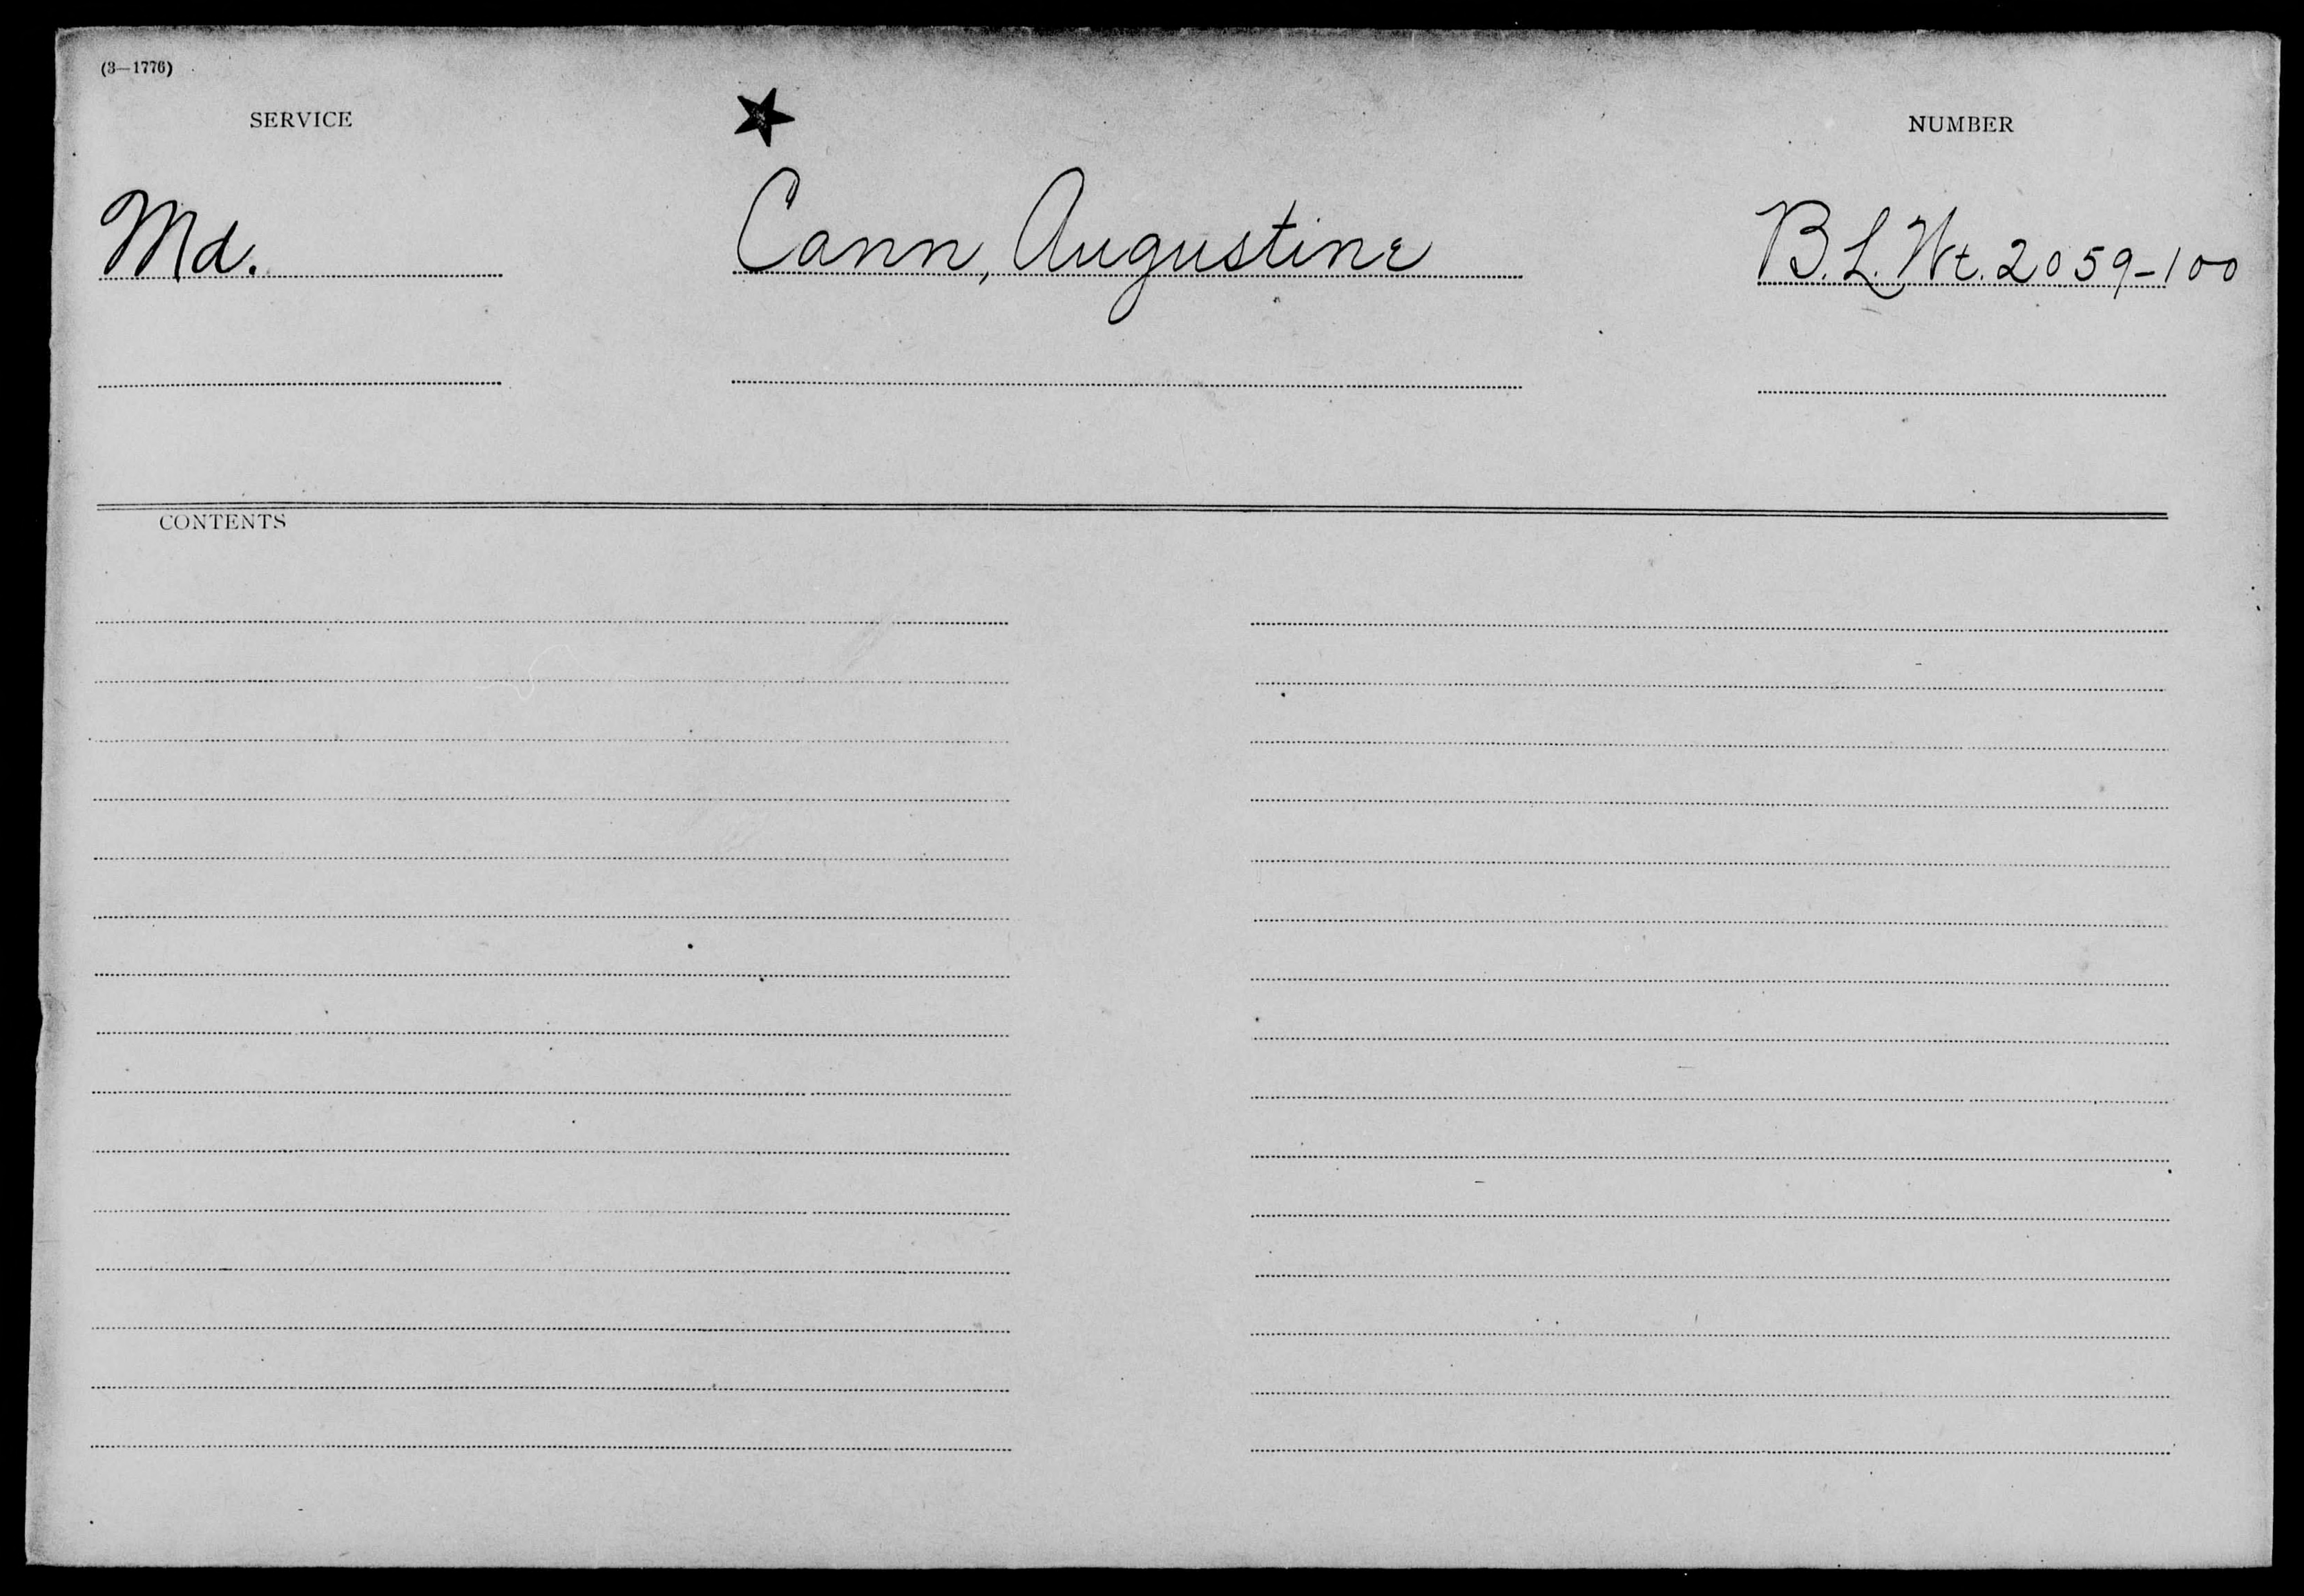(3-1776)
SERVICE [black stamped star] NUMBER
Md. Cann, Augustine B.L.Wt.2059-100
CONTENTS
[two blank columns below]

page: 1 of 9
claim: bounty land warrant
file: B.L.Wt. 2059-100, Augustine Cann, Md.